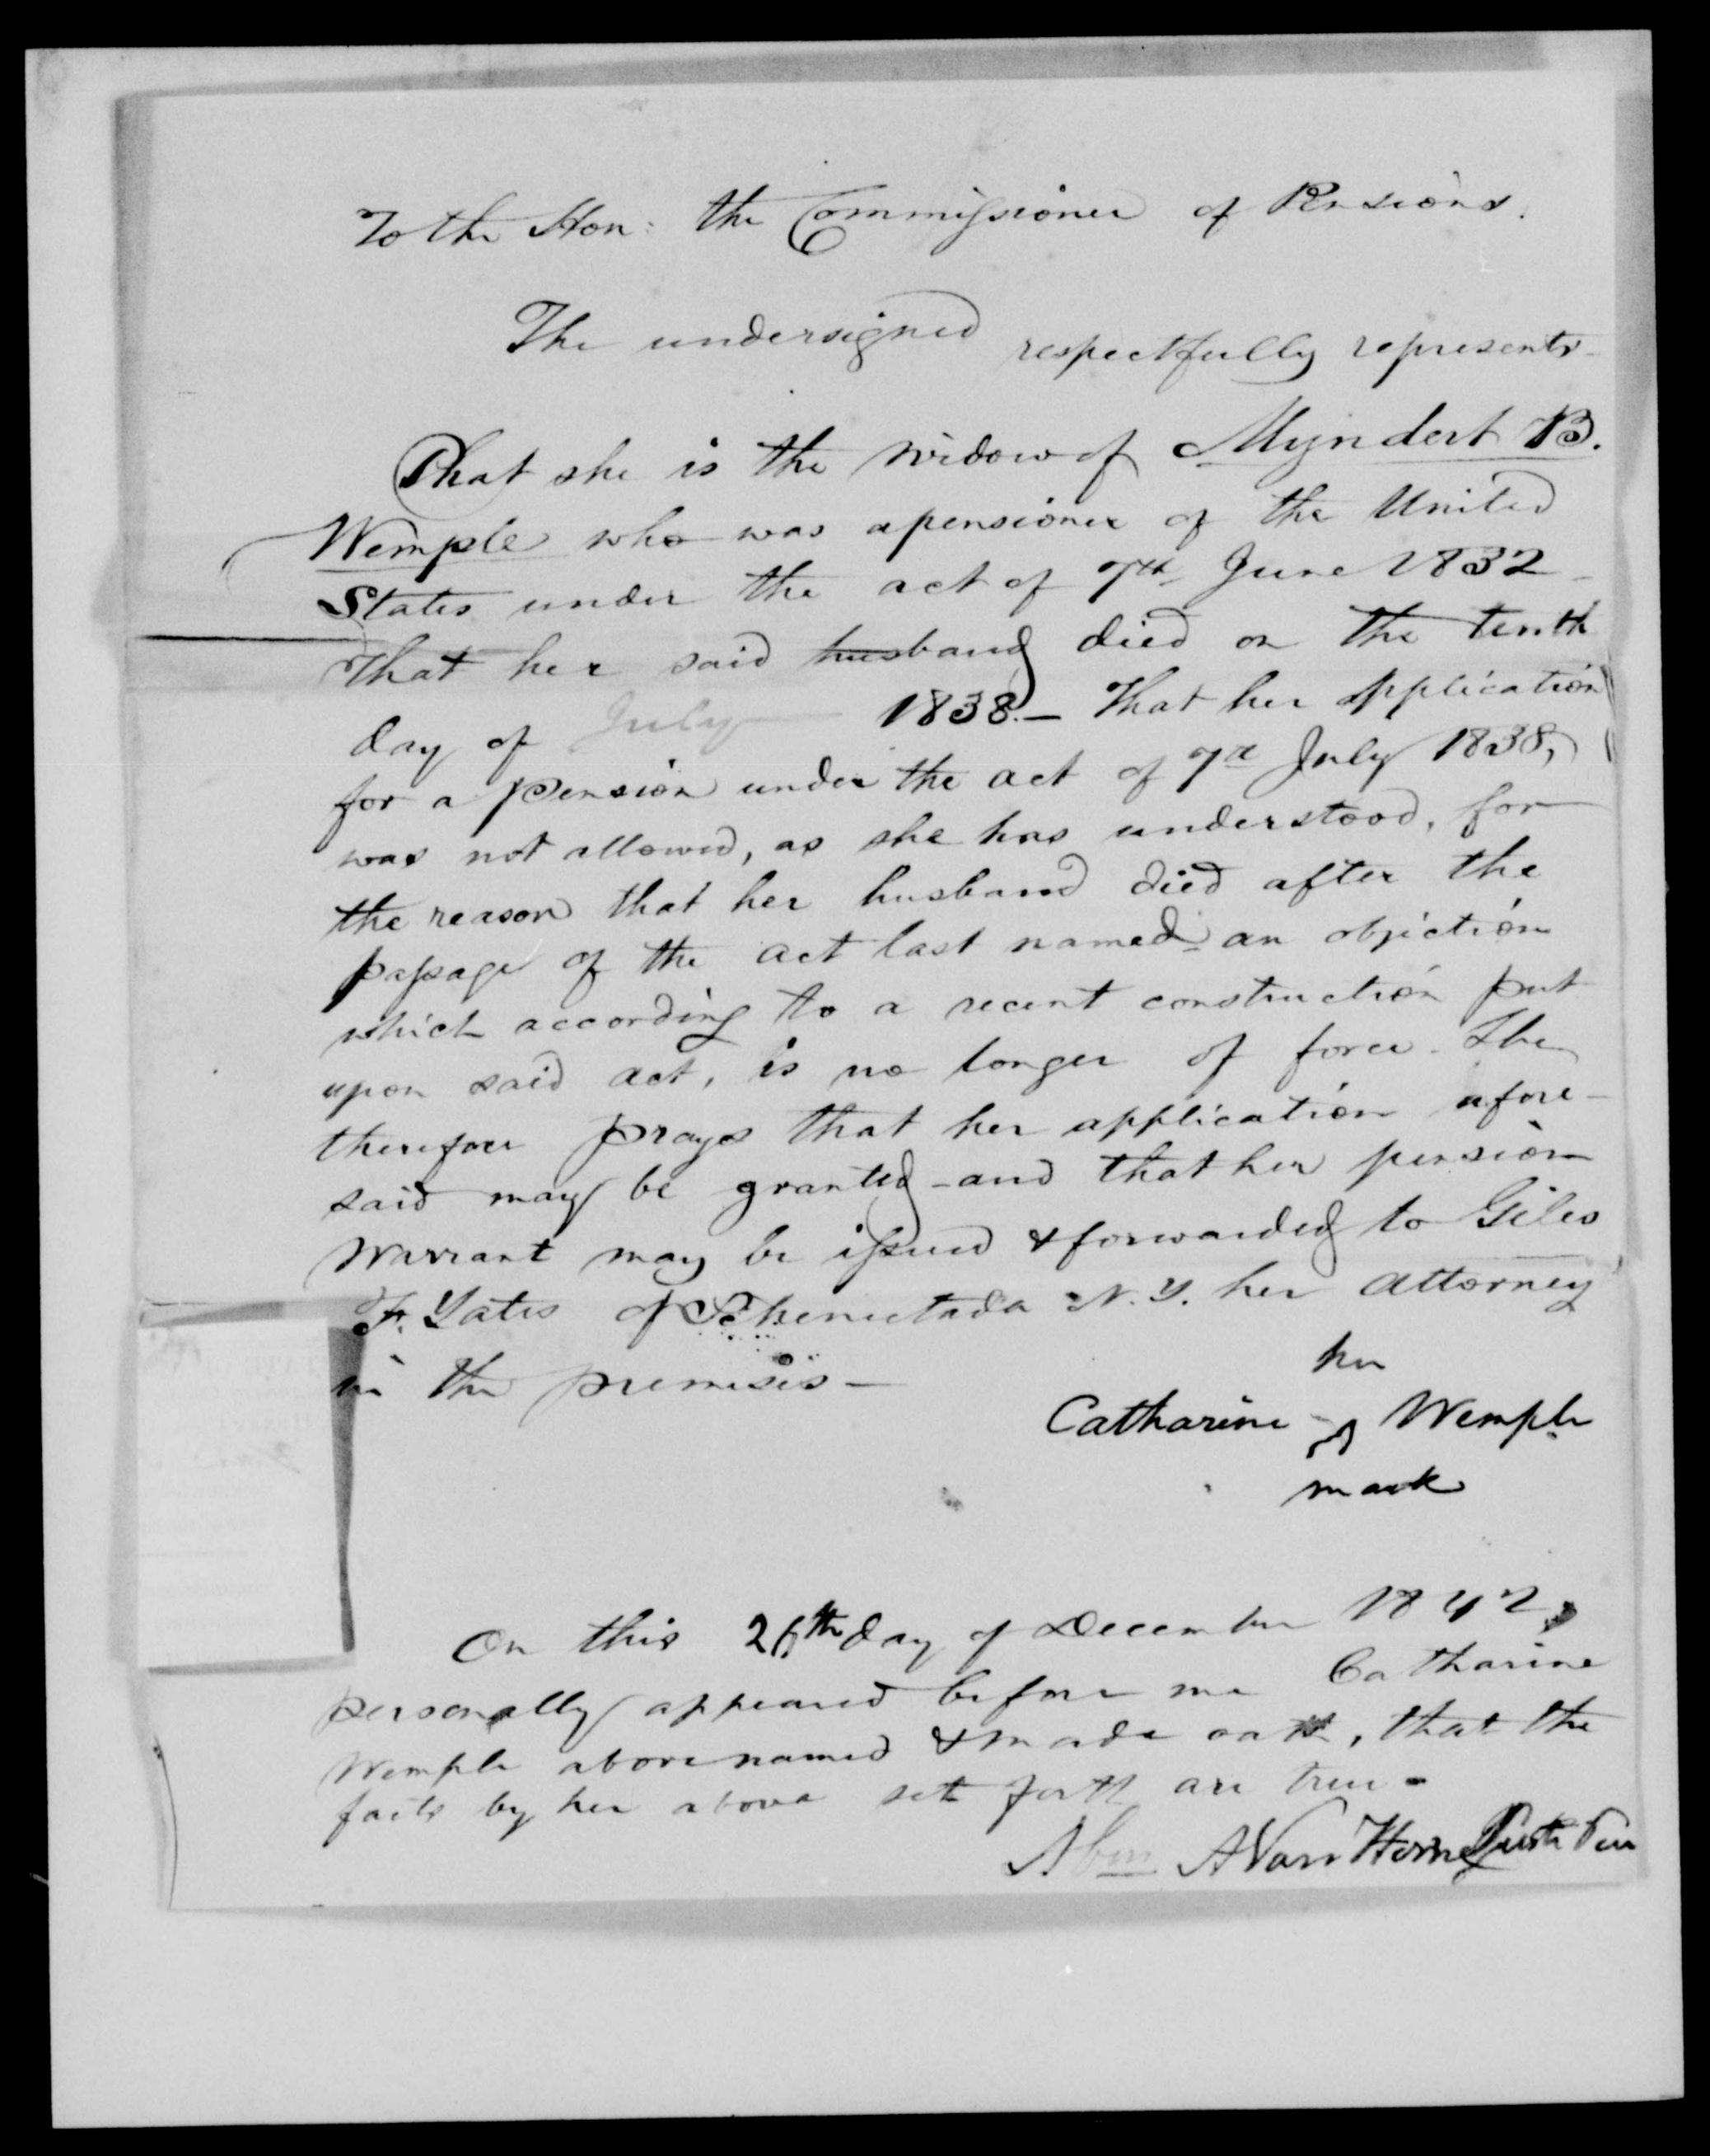To the Hon. the Commissioner of Pensions.
The undersigned
respectfully represents-
That she is the widow of Myndert B.
Wemple who was a pensioner of the United
States under the act of 7th June 1832-
That her said husband died on the tenth
day of July 1838.- That her application
for a pension under the act of 7th July 1838,
was not allowed, as she has understood, for
the reason that her husband died after the
passage of the act last named an objection
which according to a recent construction put
upon said act, is no longer of force. The
therefore prays that her application aforesaid
may be granted- and that her pension
warrant may be issued & forwarded to Giles
F. Yates of Schenectada(Schenectady) N.Y. her attorney in the premises-
                her
Catharine     X      Wemple
                mark

On this 26th day of December 1842,
personally appeared before me Catharine
Wemple above named & made oath, that the
facts by her above set forth are true-
Abm A Van Horne [illegible](Just of Peace?)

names: Giles F Yates, Myndert B Wemple, Abm A Van Horne, Catharine Wemple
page: 44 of 51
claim: widow's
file: W. 19604, Myndert B Wemple, New York